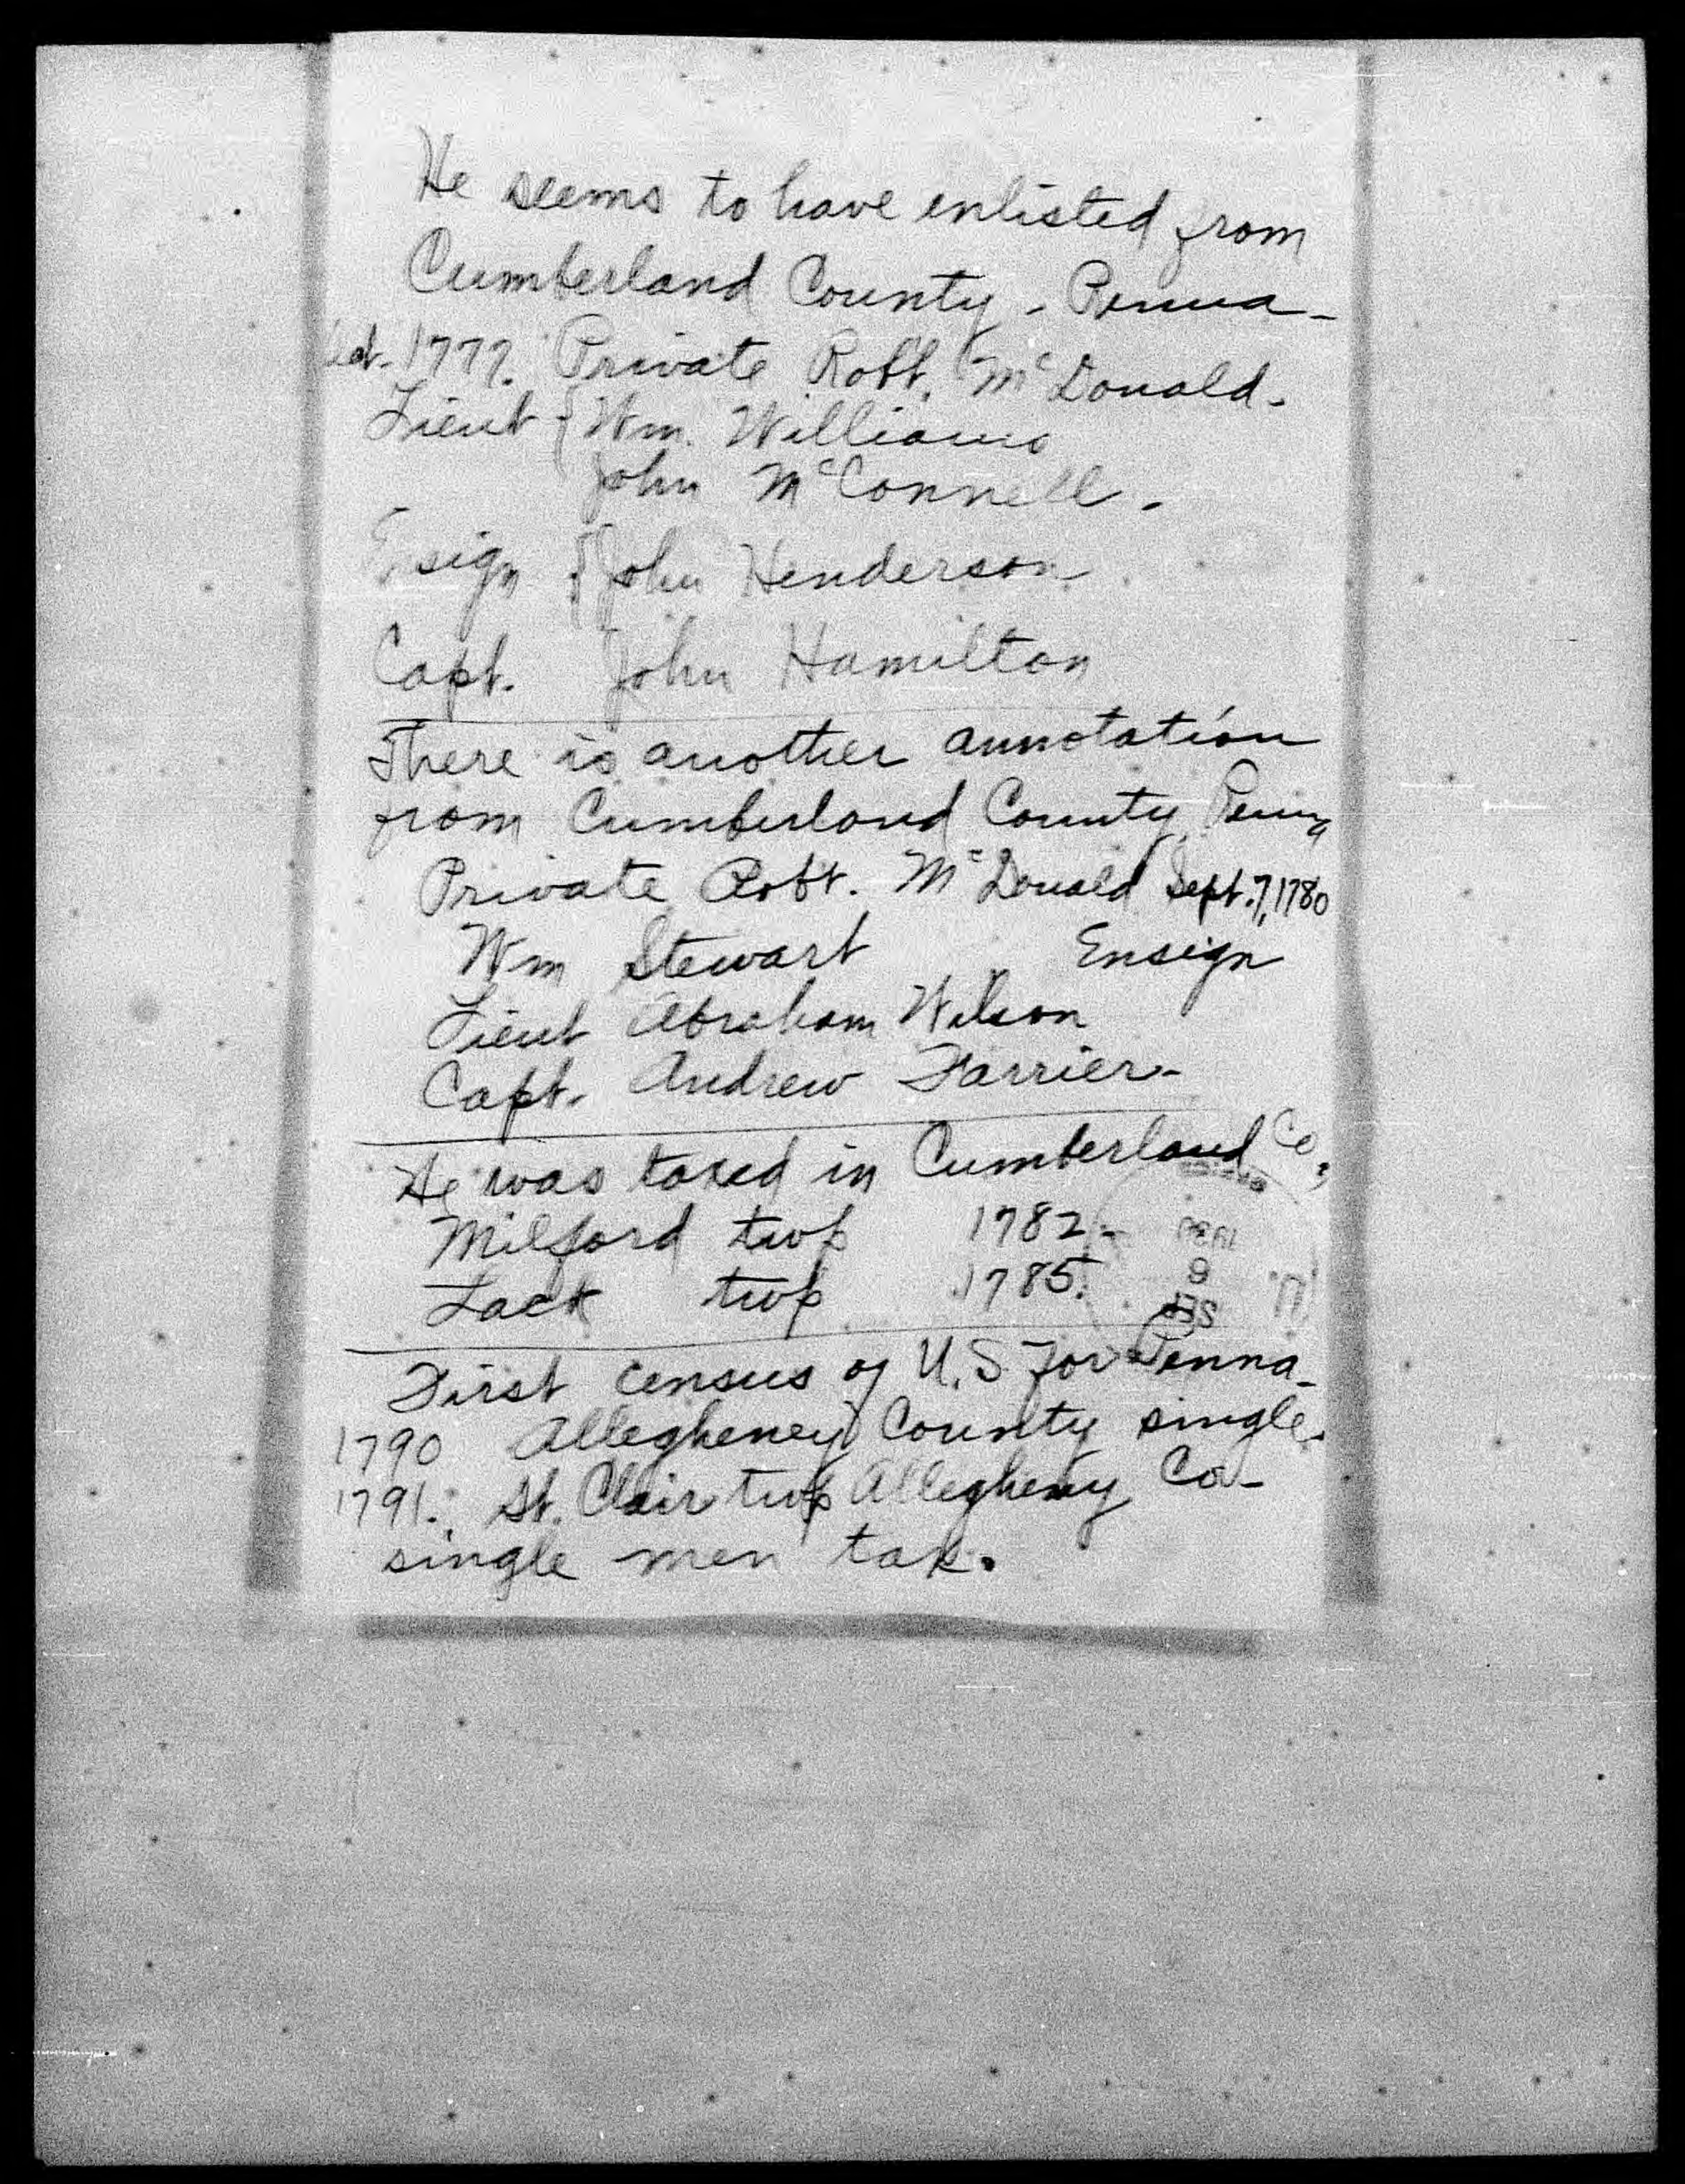He seems to have enlisted from Cumberland County, Pennsylvania.
Oct 1777 Private Robert McDonald 
lieut Wm. Williams
John McConnell
Ensign John Henderson
Capt. John HamiltonThere is another annotation from Cumberland County Pennsylvania Private Robert McDonald Sept 7, 1780 Ensign
Wm Stewart
Lieut Abraham Wilson
Capt. Andrew Farrier
He was taxed in Cumberland Co.
Milford Twp 1782
Lack Twp 1785
First census of U.S. for Pennsylvania 1790 Allegheny County single 1791 St Clair Allegheny Co. Single men tax.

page: 56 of 59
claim: widow's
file: W 3703, for Robert Mc Donald, Pennsylvania